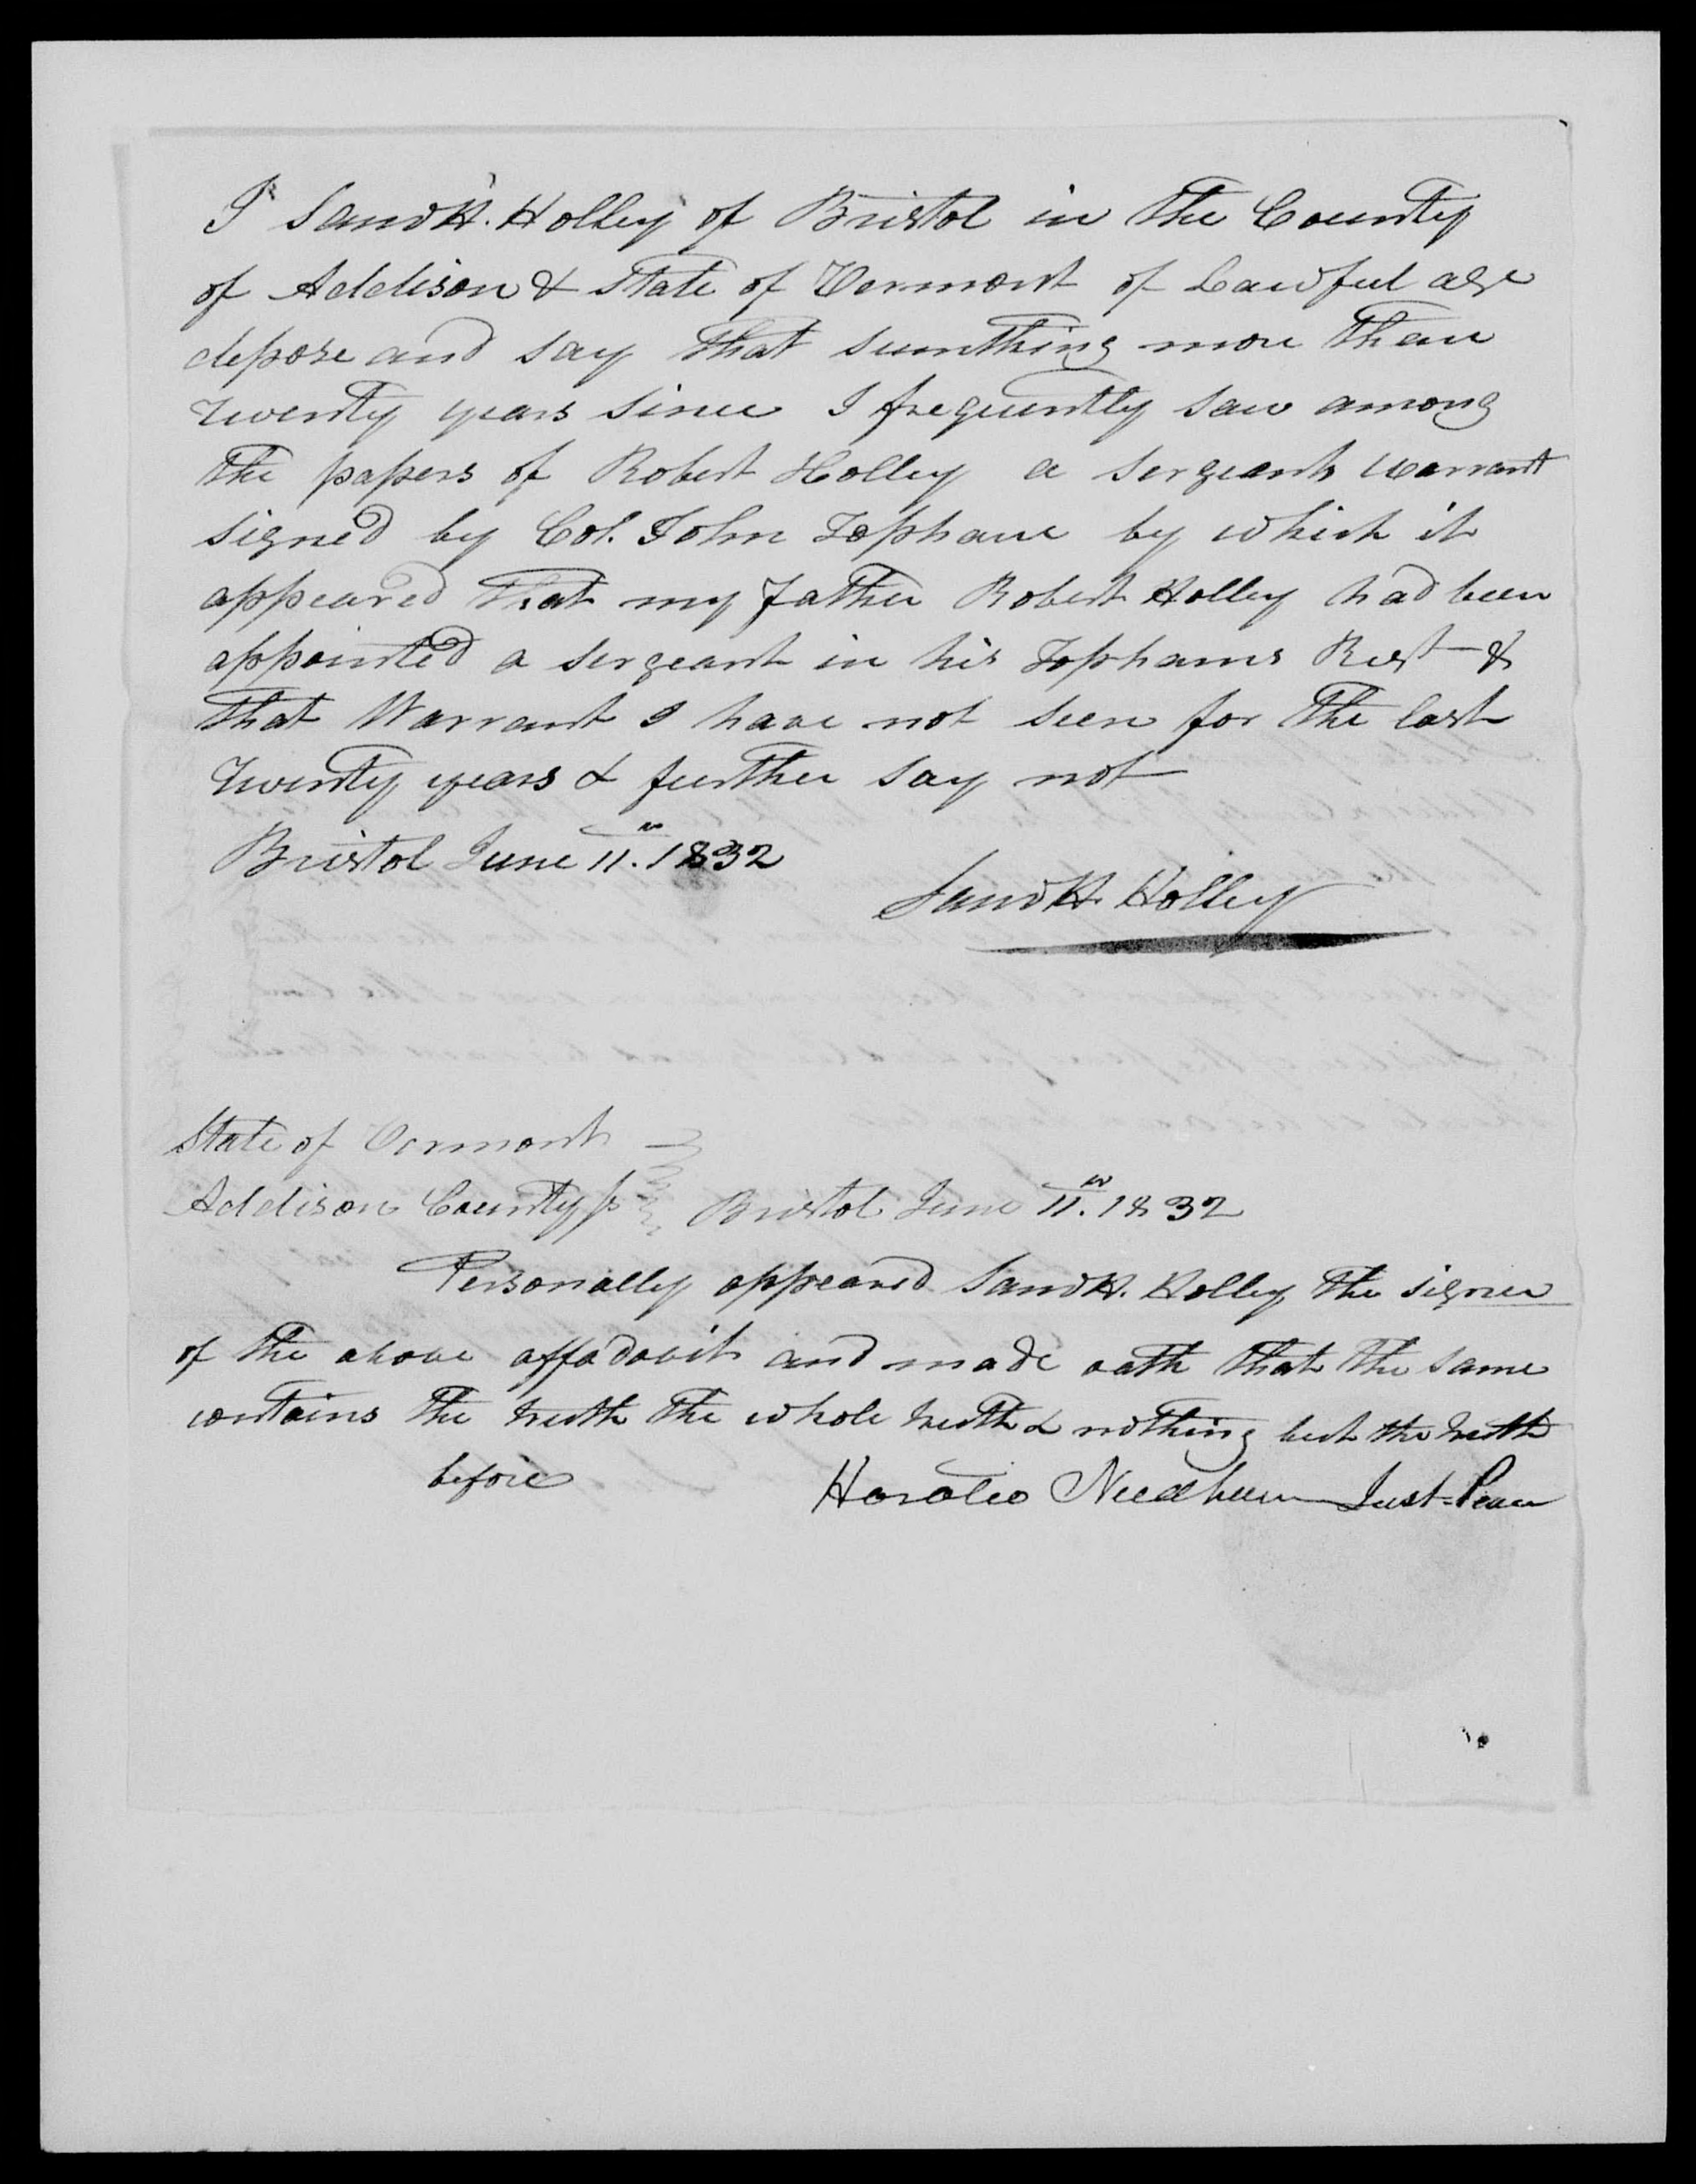I Sam H. Holley of Bristol in the County
of Addison & State of Vermont of Lawful age
depose and say that something more than
Twenty years since I frequently saw among
the papers of Robert Holley a Sergeants warrant
Signed by Col. John Topham by which it
appeared that my father Robert Holley had been
appointed a Sergeant in his Tophams Regt &
that Warrant I have not seen for the last
Twenty years & further say not
Bristol June 11. 1832
Sam H Holley

State of Vermont
Addison County Bristol June 7 1832
Personally appeared Sam H. Holley the Signer
of the above affidavit and made oath that the same
contains the truth the whole truth & nothing but the truth
before Horatio Needham Just Peace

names: Robert Holley, Saml H Holley, Saml H Holley, Robert Holley, Saml H Holley, John Tophane, Horatio Needham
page: 43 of 62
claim: widow's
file: W. 21391, Robert Holley, Conn.